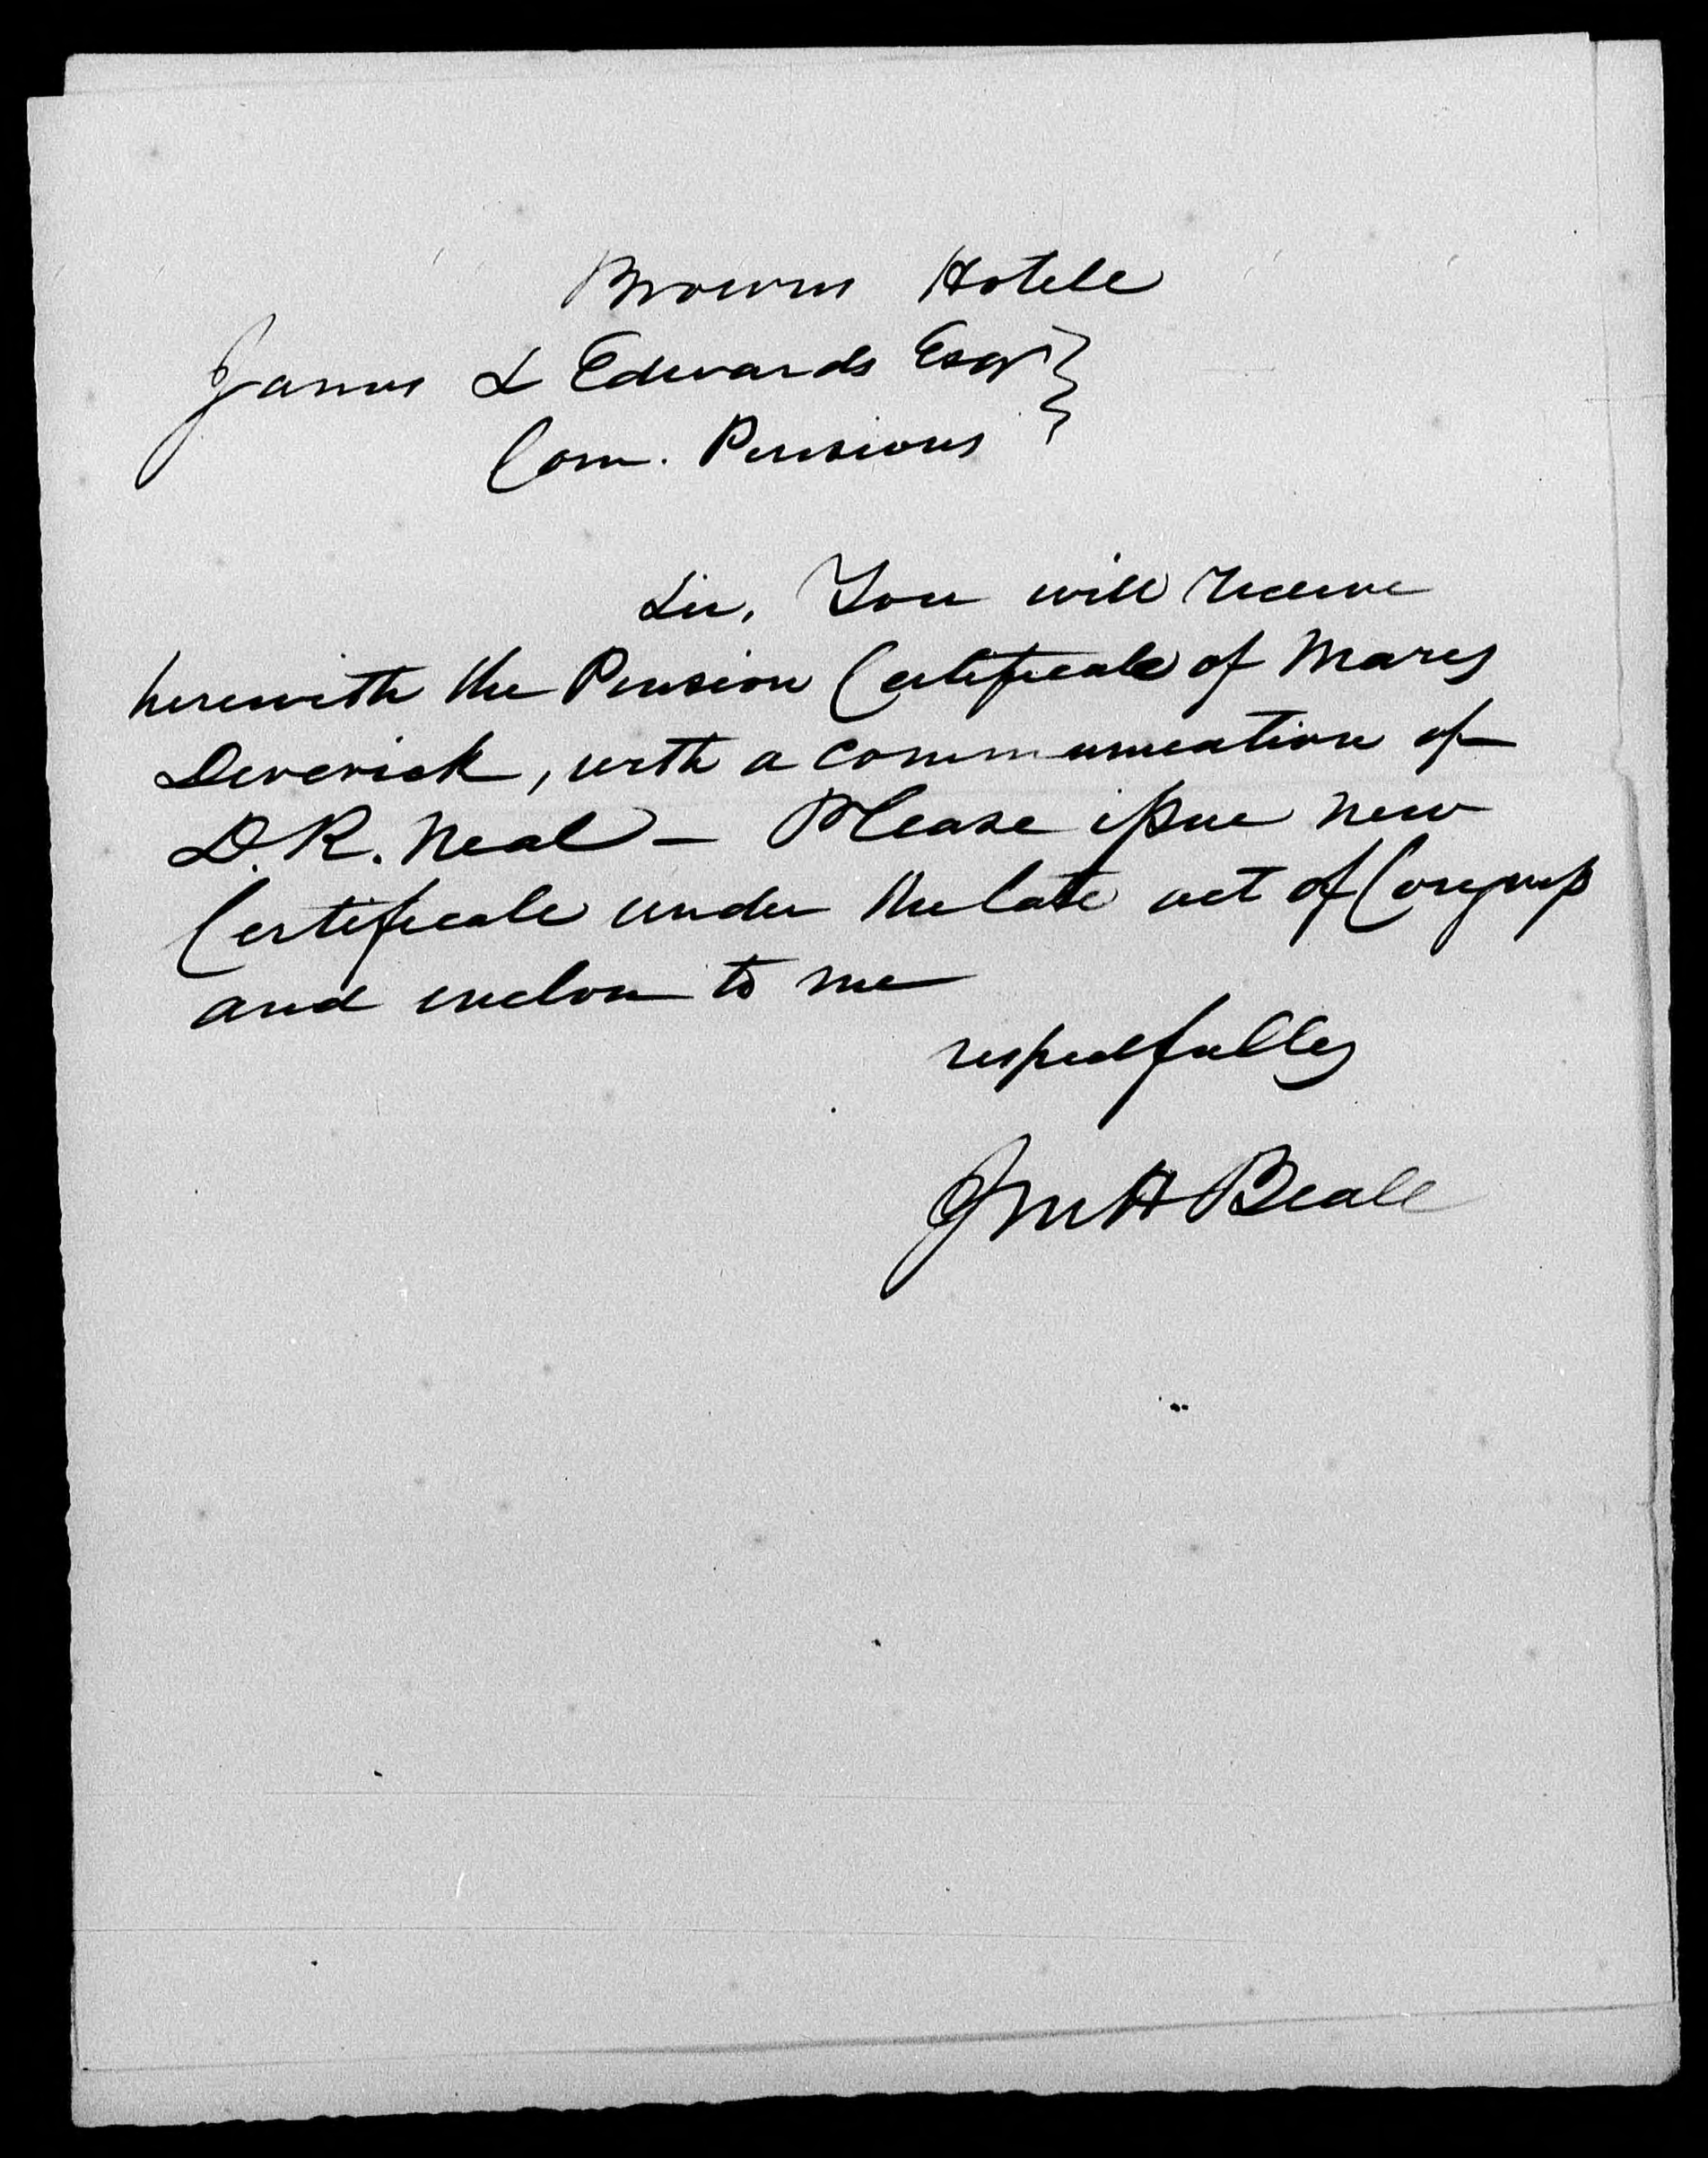Brown H[illegible]
James L Edwards [illegible]
Com. Pensions

Sir, You will receive[illegible] the Pension Certificate of Mary Deverick, with a comm[illegible] of D. R. Neal -- Please [illegible] now Certificate under the late act of Congress and [illegible] to me

Respectfully
Jm H Beale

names: Mary Deverick, J M H Beale, James L Edwards, D R Neal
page: 23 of 35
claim: widow's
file: W 7007, John Devericks, Va.